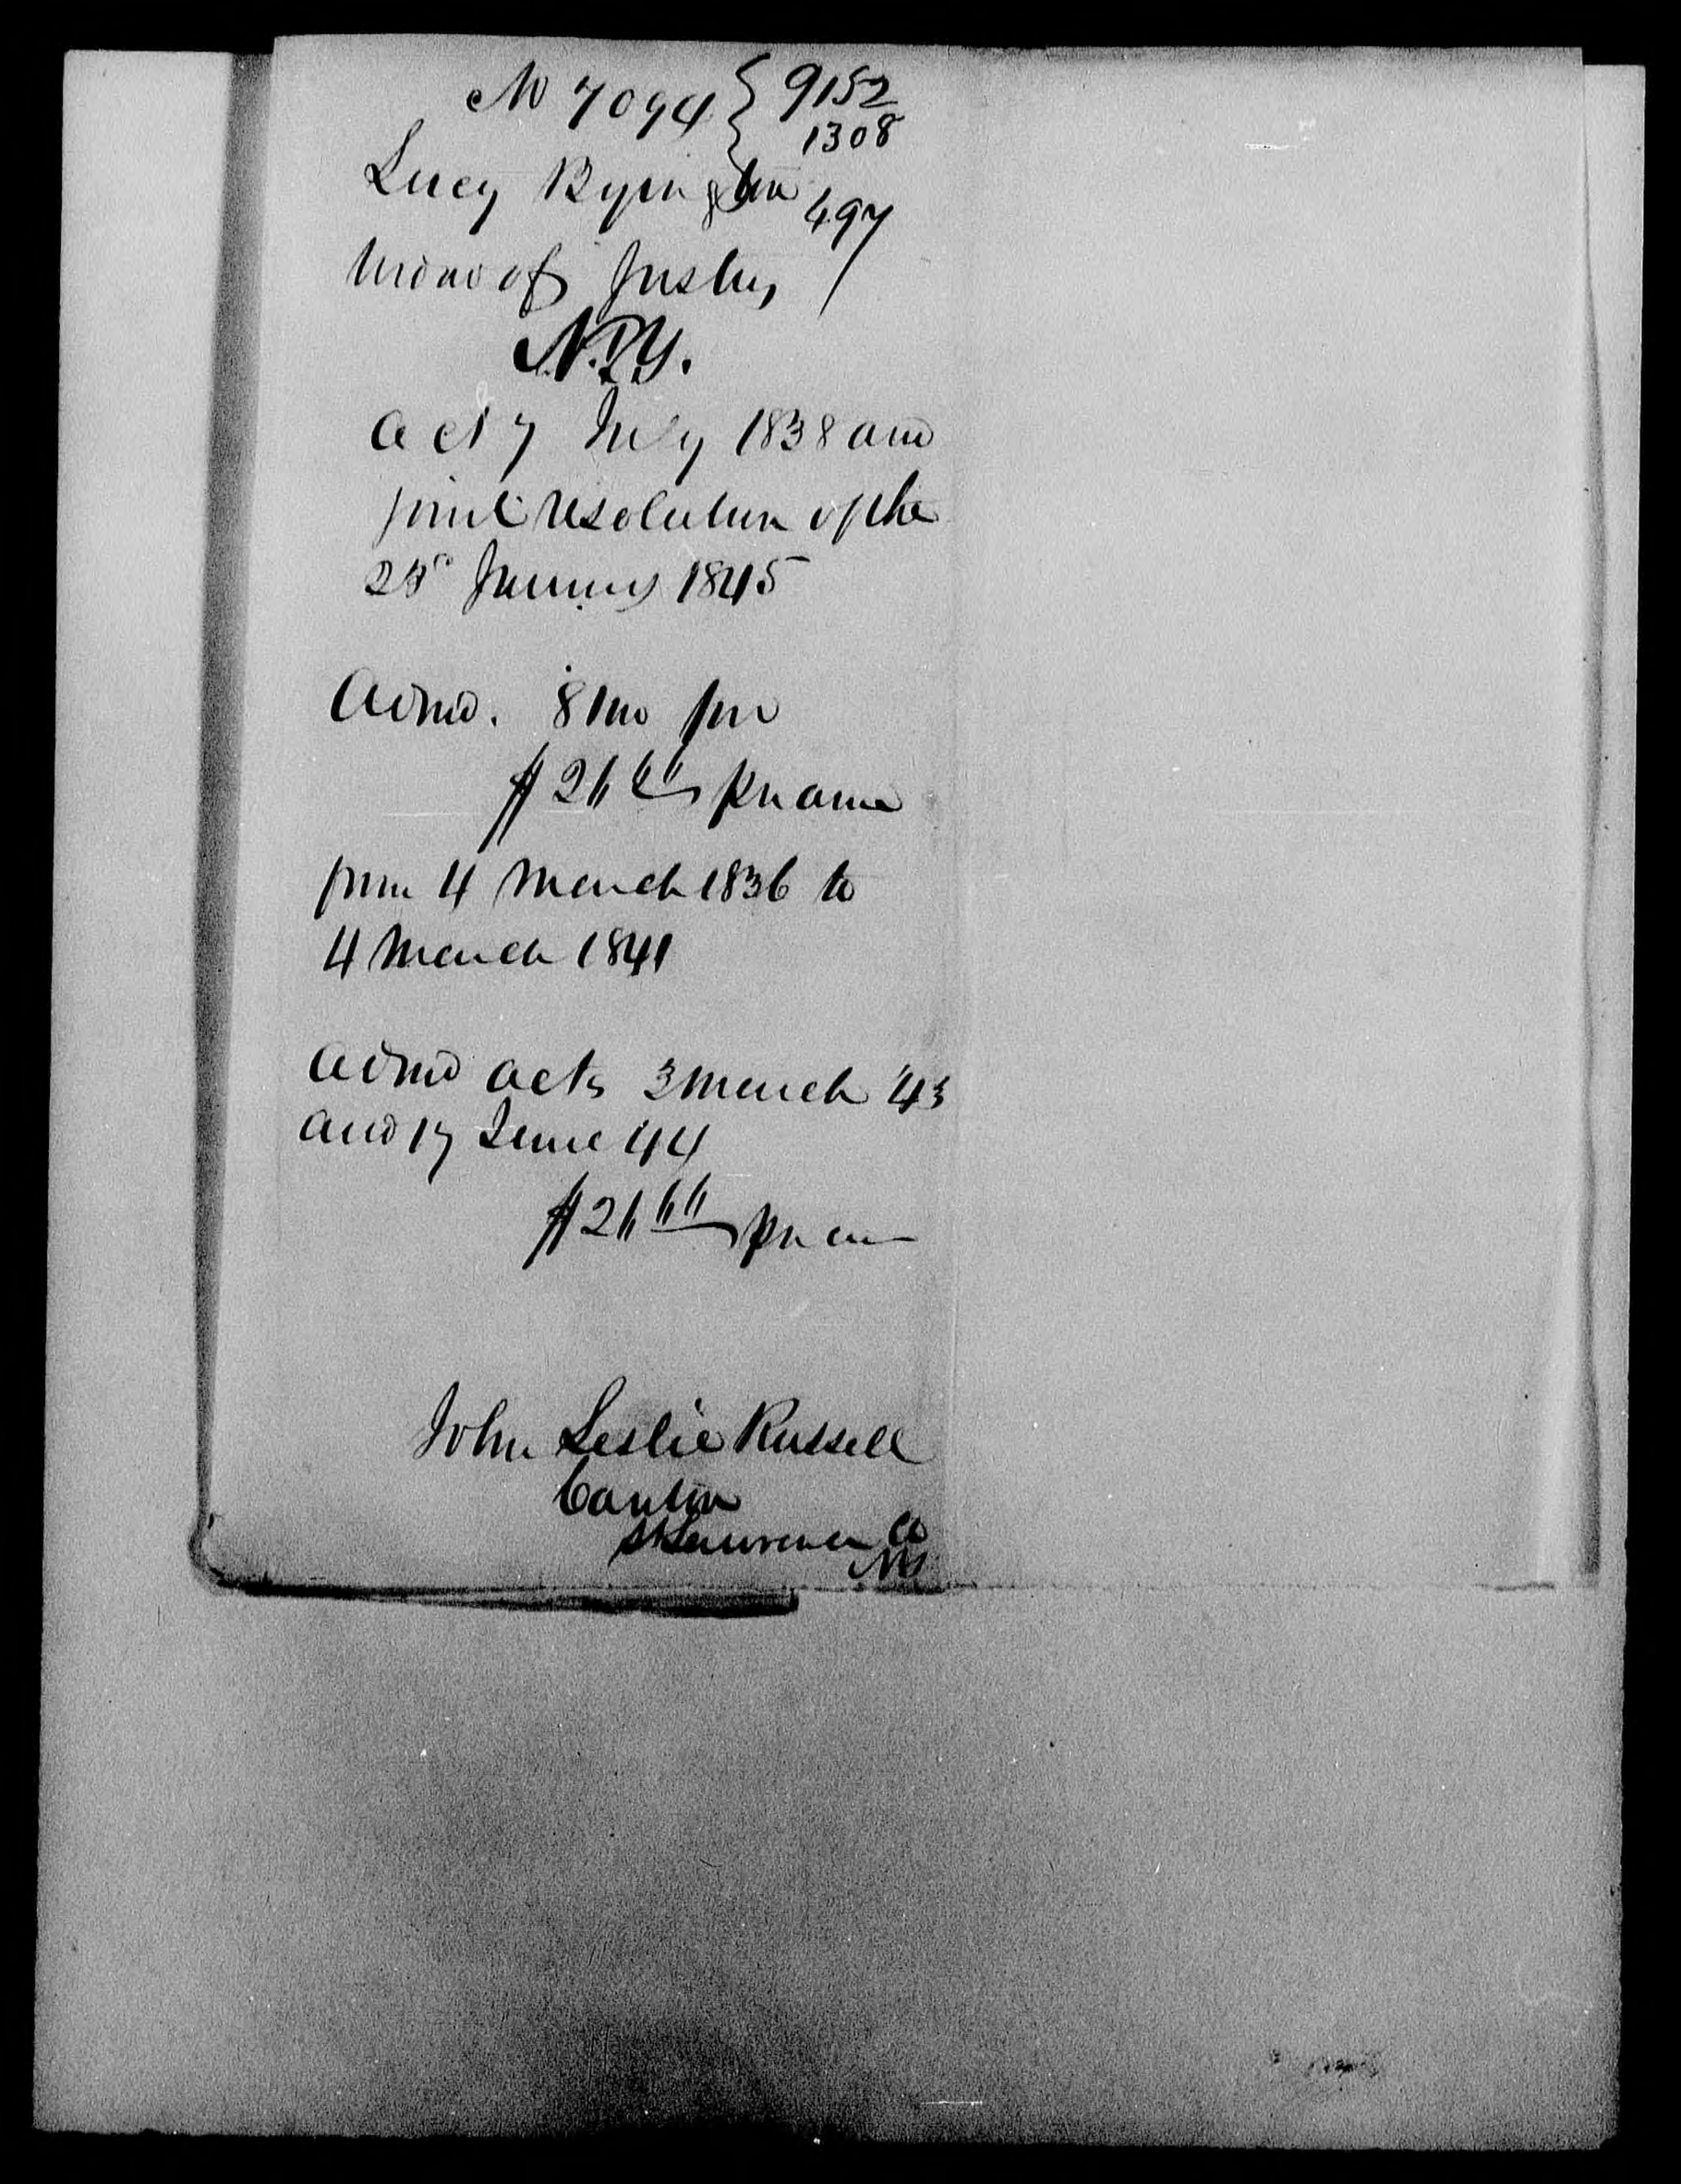No 7094 | 9152
|1308

Lucy Byington 497
Widow of Justus
N.D.Y
Act 4 July 1838 and
Joint resolution of the 23rd January 1845

Anno. 8 mo for
$21.00 per anno
paid 4 March 1836 to 4 March 1841

Anno acts 3 March '43
and 17 June 44
$21.11 per anno

John Leslie Russell
Canton
(illegible) Co NY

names: John Leslie Russell, Justus Byington, Lucy Byington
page: 33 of 79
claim: widow's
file: W. 23754, Justus Byington, Conn.